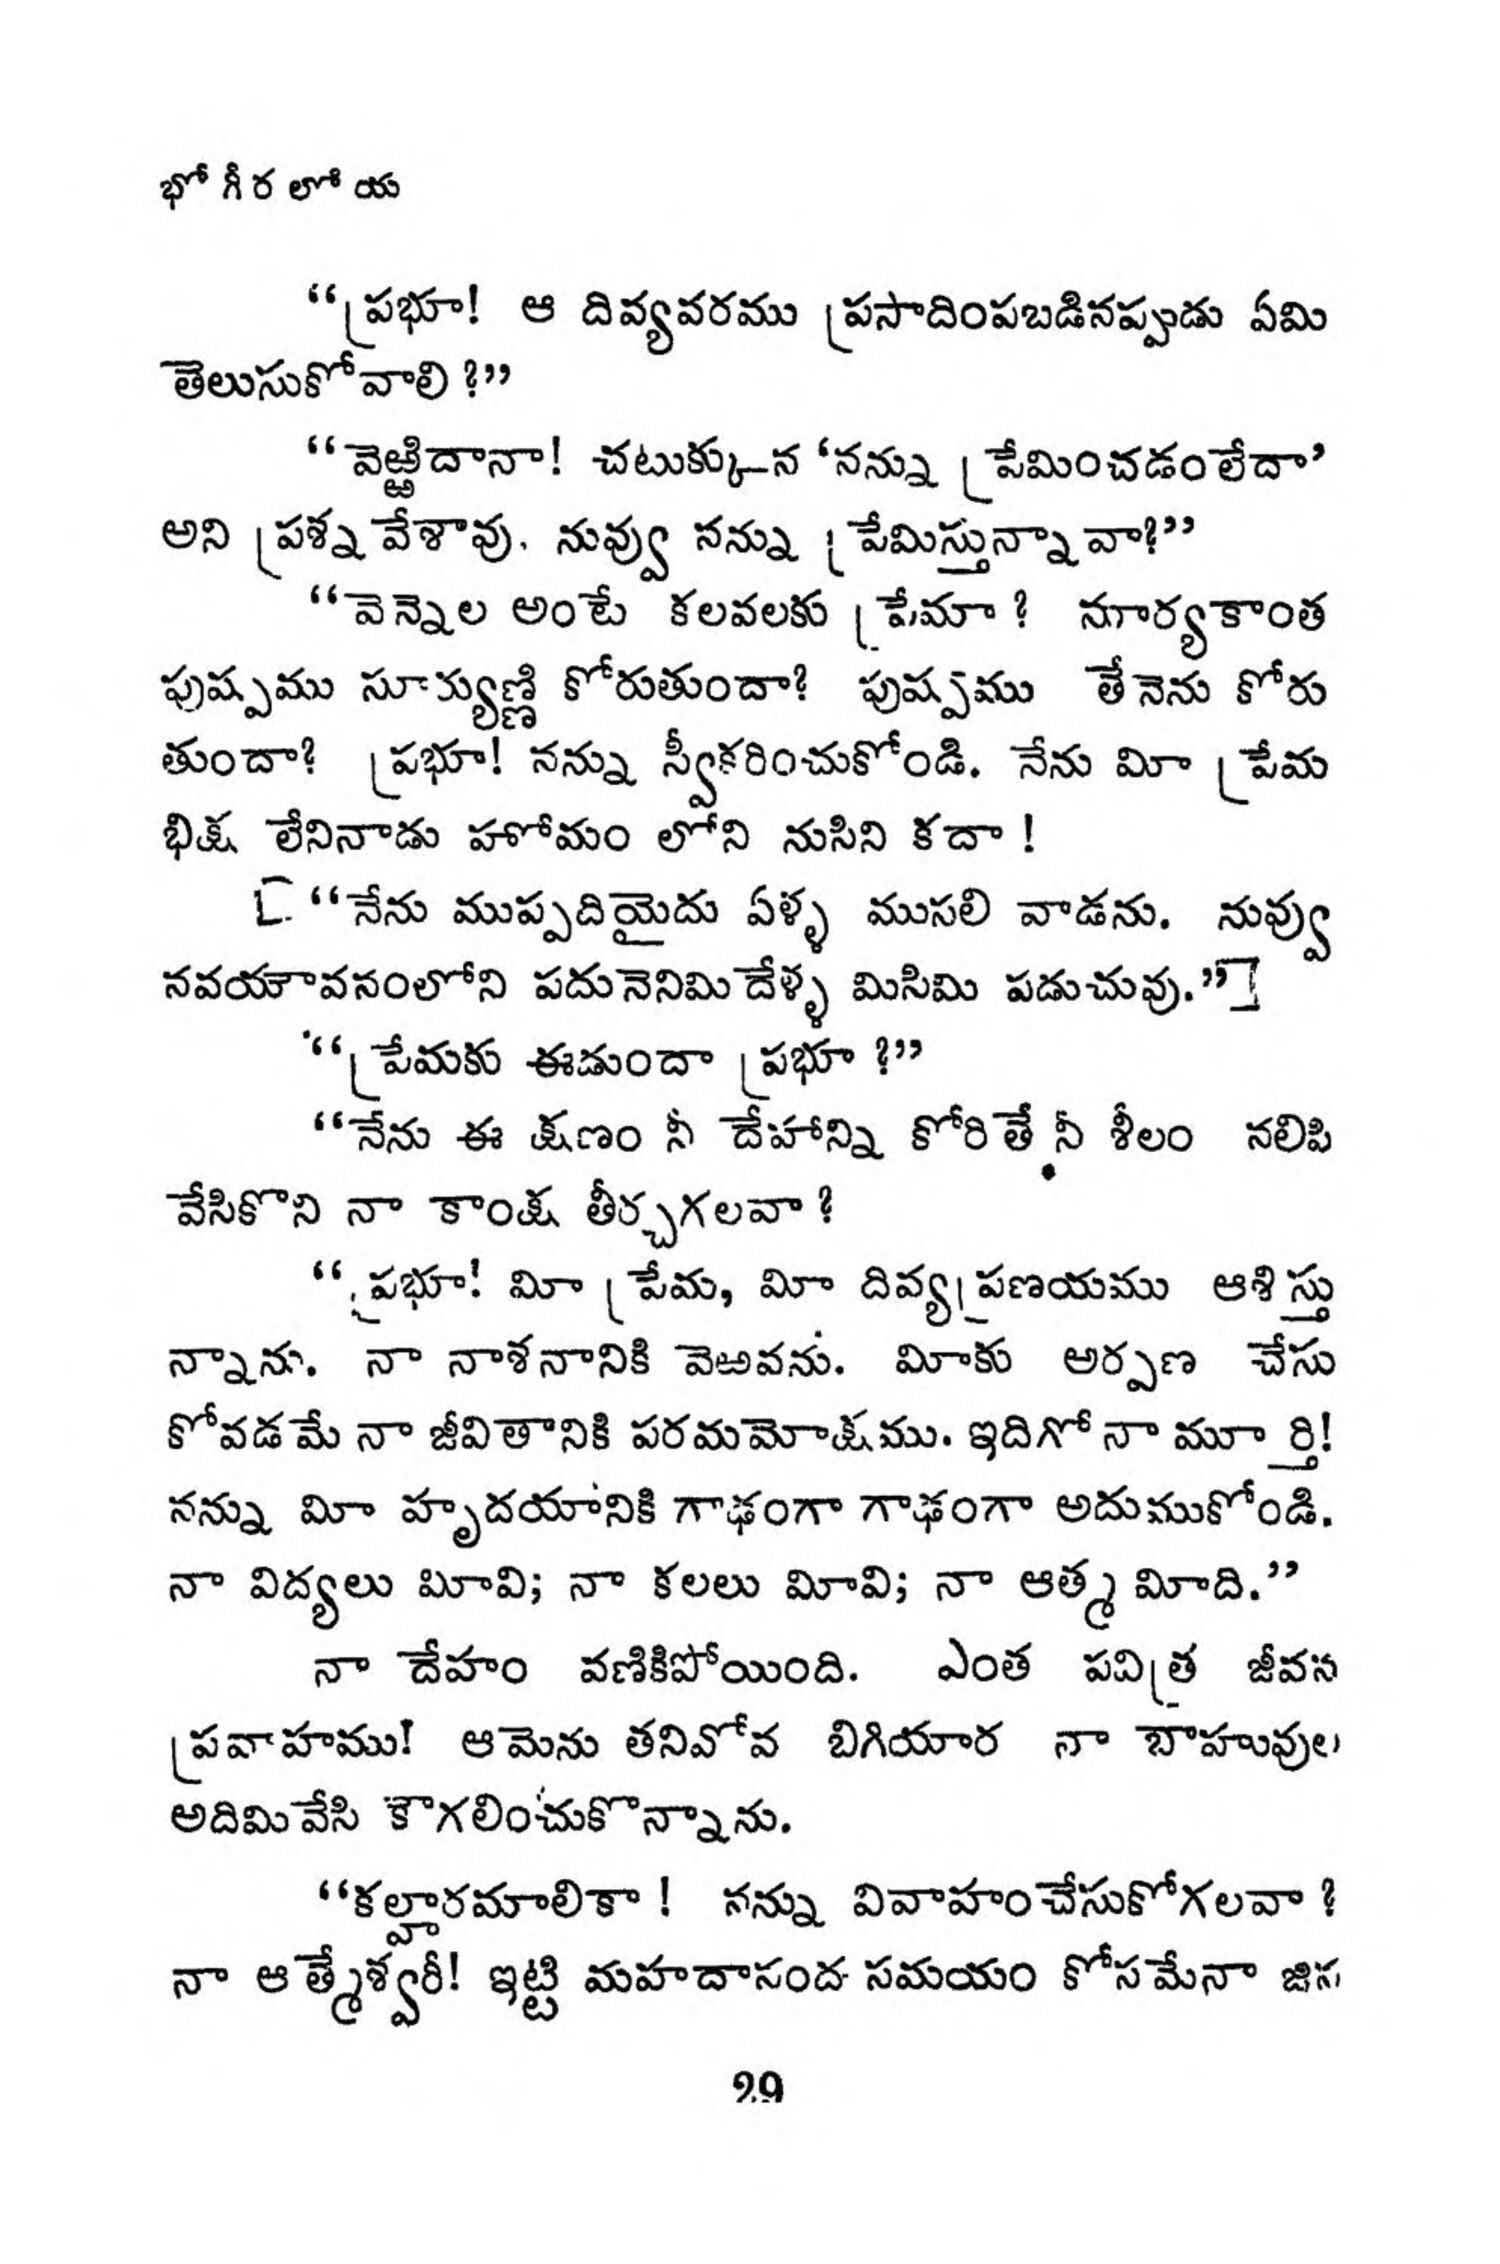“ప్రభూ! ఆ దివ్యవరము ప్రసాదింపబడినప్పుడు ఏమి తెలుసుకోవాలి?”

“వెఱ్ఱిదానా! చటుక్కున ‘నన్ను ప్రేమించడంలేదా’ అని ప్రశ్న వేశావు. నువ్వు నన్ను ప్రేమిస్తున్నావా?”

“వెన్నెల అంటే కలవలకు ప్రేమా? సూర్యకాంత పుష్పము సూర్యుణ్ణి కోరుతుందా? పుష్పము తేనెను కోరుతుందా? ప్రభూ! నన్ను స్వీకరించుకోండి. నేను మీ ప్రేమ భిక్ష లేనినాడు హోమం లోని నుసిని కదా!

“నేను ముప్పదియైదు ఏళ్ళ ముసలి వాడను. నువ్వు నవయౌవనంలోని పదునెనిమిదేళ్ళ మిసిమి పడుచువు.”

“ప్రేమకు ఈడుందా ప్రభూ?”

“నేను ఈ క్షణం నీ దేహాన్ని కోరితే నీ శీలం నలిపి వేసికొని నా కాంక్ష తీర్చగలవా?”

“ప్రభూ! మీ ప్రేమ, మీ దివ్యప్రణయము ఆశిస్తున్నాను. నా నాశనానికి వెఱవను. మీకు అర్పణ చేసుకోవడమే నా జీవితానికి పరమమోక్షము. ఇదిగోనా మూర్తి! నన్ను మీ హృదయానికి గాఢంగా గాఢంగా అదుముకోండి. నా విద్యలు మీవి; నాకలలు మీవి; నా ఆత్మ మీది.”

మా దేహం వణికిపోయింది. ఎంత పవిత్ర జీవన ప్రవాహము! ఆమెను తనివోవ బిగియార నా బాహువుల అదిమివేసి కౌగలించుకొన్నాను.

“కల్హారమాలికా! నన్ను వివాహంచేసుకోగలవా? నా ఆత్మేశ్వరీ! ఇట్టి మహదానంద సమయం కోసమేనా జిన